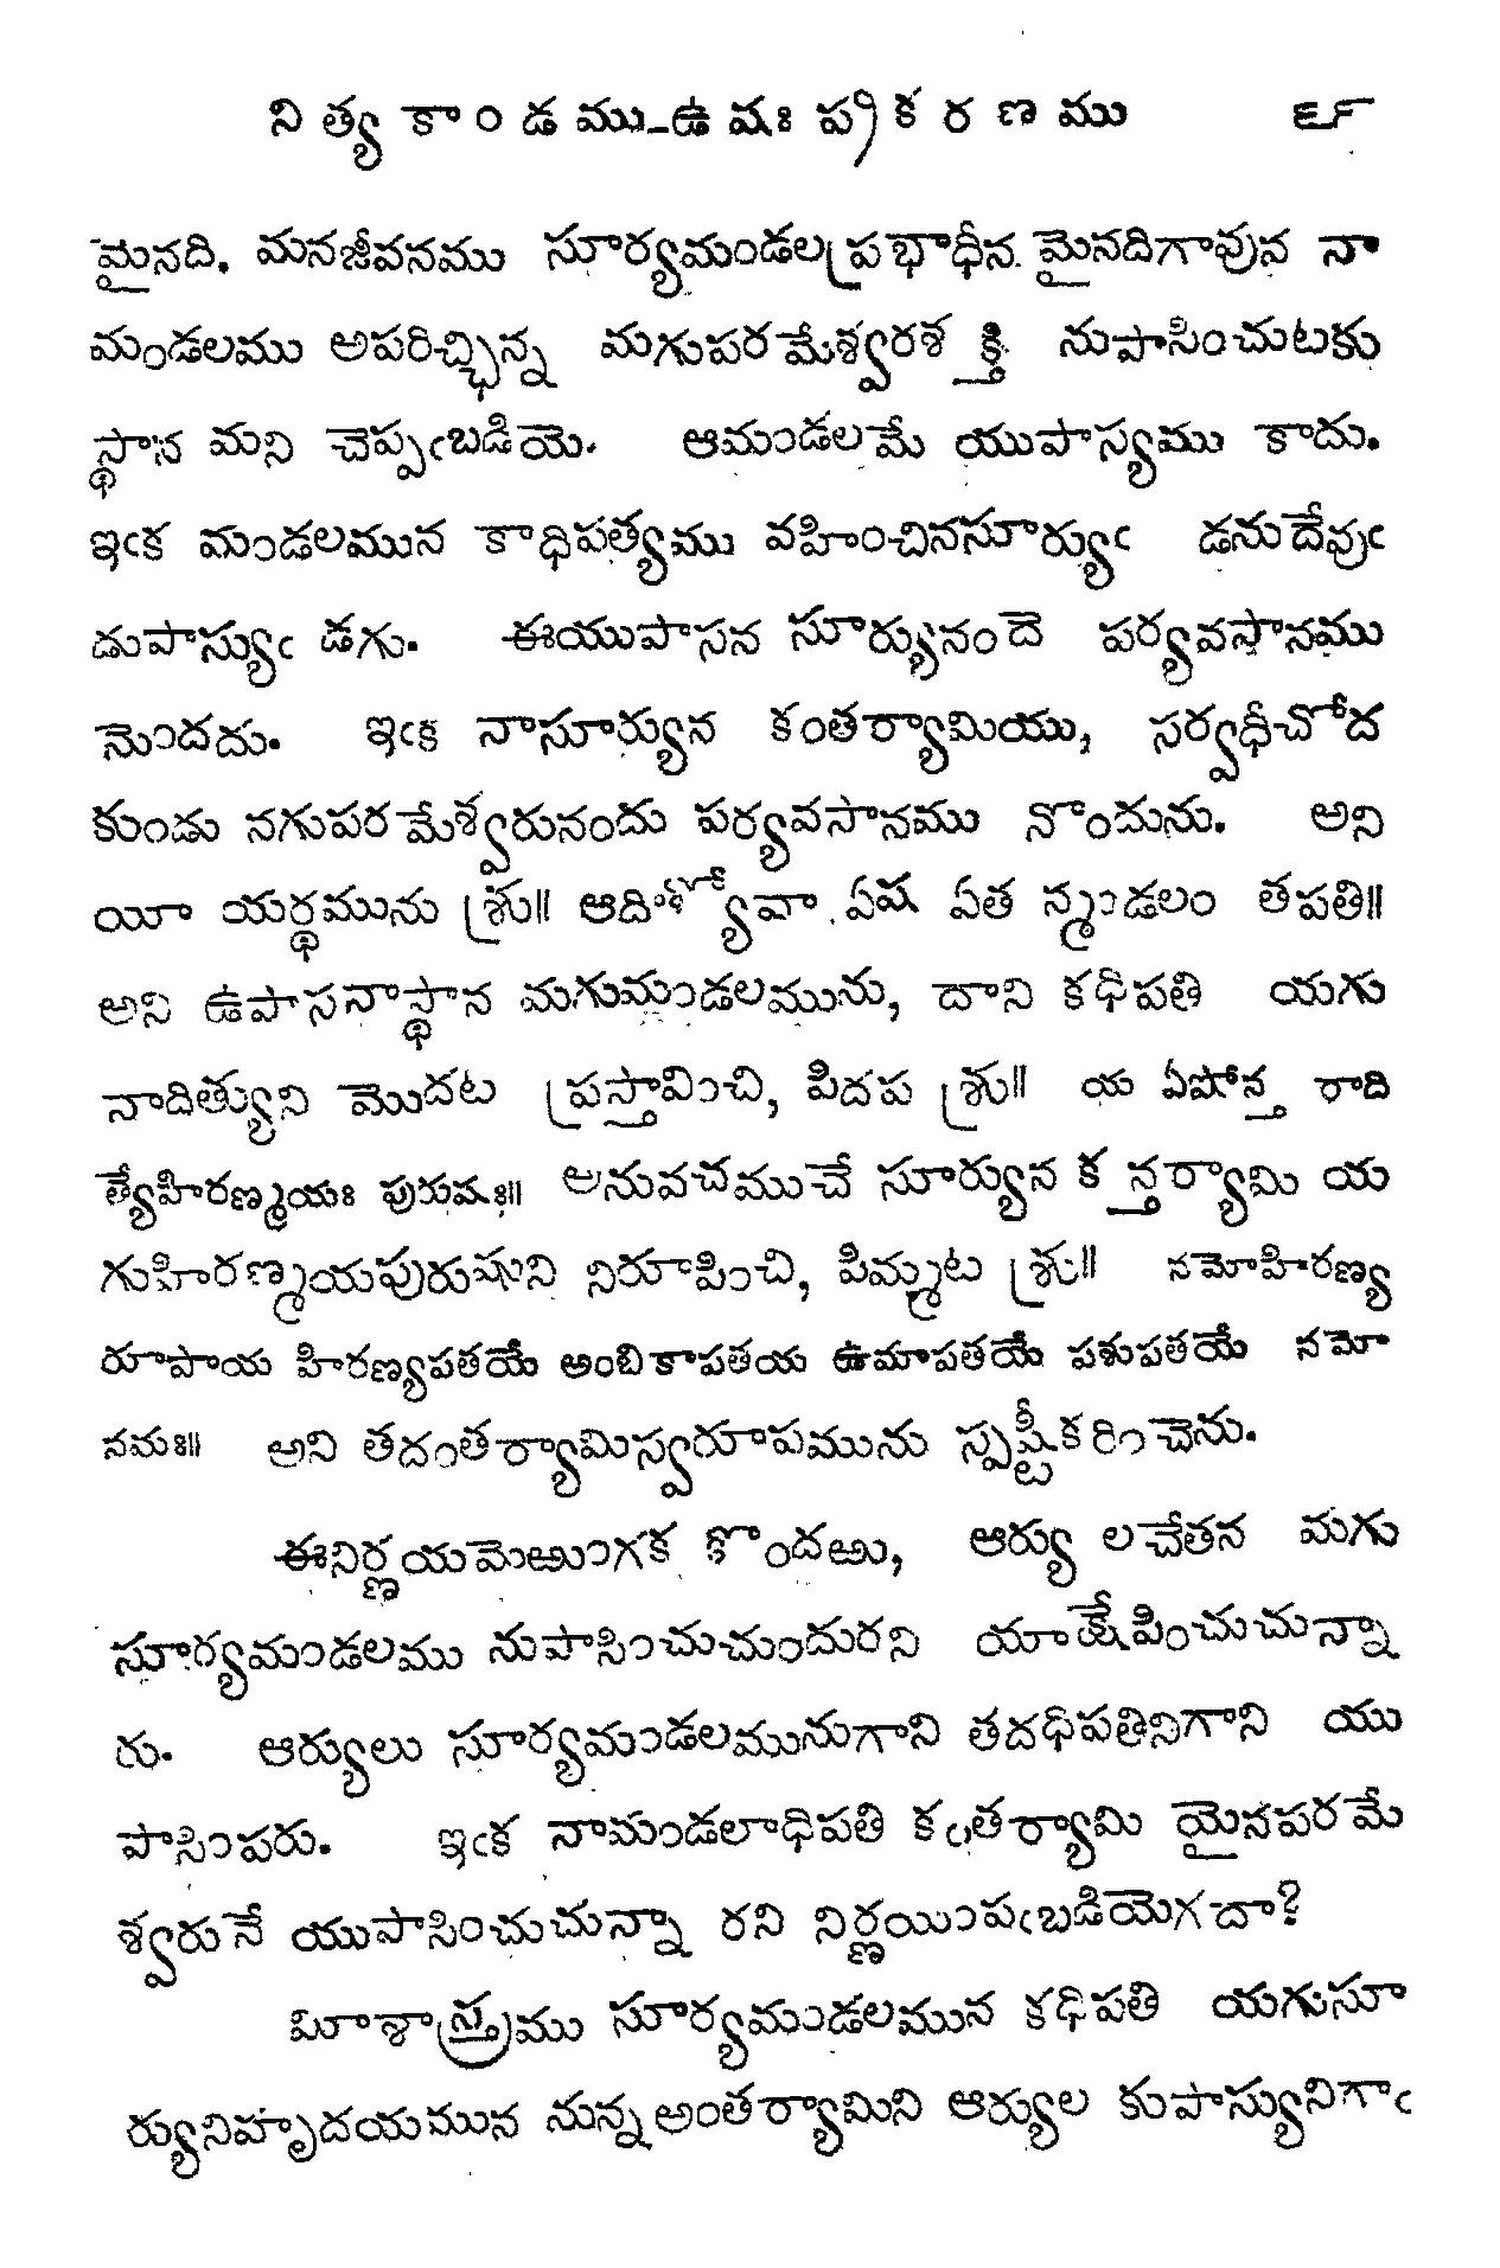మైనది. మనజీవనము సూర్యమండలప్రభాధీన మైనదిగావున నామండలము అపరిచ్ఛిన్న మగుపరమేశ్వరశక్తి నుపాసించుటకు స్థాన మని చెప్పఁబడియె. ఆమండలమే యుపాస్యము కాదు. ఇఁక మండలమున కాధిపత్యము వహించినసూర్యుఁ డనుదేవుఁడుపాస్యుఁ డగు. ఈయుపాసన సూర్యునందె పర్యవసానము నొందదు. ఇఁక నాసూర్యున కంతర్యామియు, సర్వధీచోదకుండు నగుపరమేశ్వరునందు పర్యవసానము నొందును. అని యీ 
యర్థమును శ్రు|| ఆదిత్యోవా, ఏష ఏత న్మండలం తపతి॥ అని ఉపాసనాస్థాన మగుమండలమును, దాని కధిపతి యగు నాదిత్యుని మొదట ప్రస్తావించి, పిదప శ్రు॥ య ఏషోన్త రాదిత్యేహిరణ్మయః పురుషః॥ అనువచముచే సూర్యున కన్తర్యామి యగుహిరణ్మయపురుషుని నిరూపించి, పిమ్మట శ్ర॥ నమోహిరణ్యరూపాయ హిరణ్యపతయే అంబికాపతయ ఉమాపతయే పశుపతయే నమోనమః|| అని తదంతర్యామిస్వరూపమును స్పష్టీకరించెను.

ఈనిర్ణయమెఱుఁగక కొందఱు, ఆర్యు లచేతన మగు సూర్యమండలము నుపాసించుచుందురని యాక్షేపించుచున్నారు. ఆర్యులు సూర్యమండలమునుగాని తదధిపతినిగాని యుపాసింపరు. ఇఁక నామండలాధిపతి కంతర్యామి యైనపరమేశ్వరునే యుపాసించుచున్నా రని నిర్ణయింపఁబడియెగదా?

మీశాస్త్రము సూర్యమండలమున కధిపతి యగుసూర్యునిహృదయమున నున్న అంతర్యామిని ఆర్యుల కుపాస్యునిగాఁ